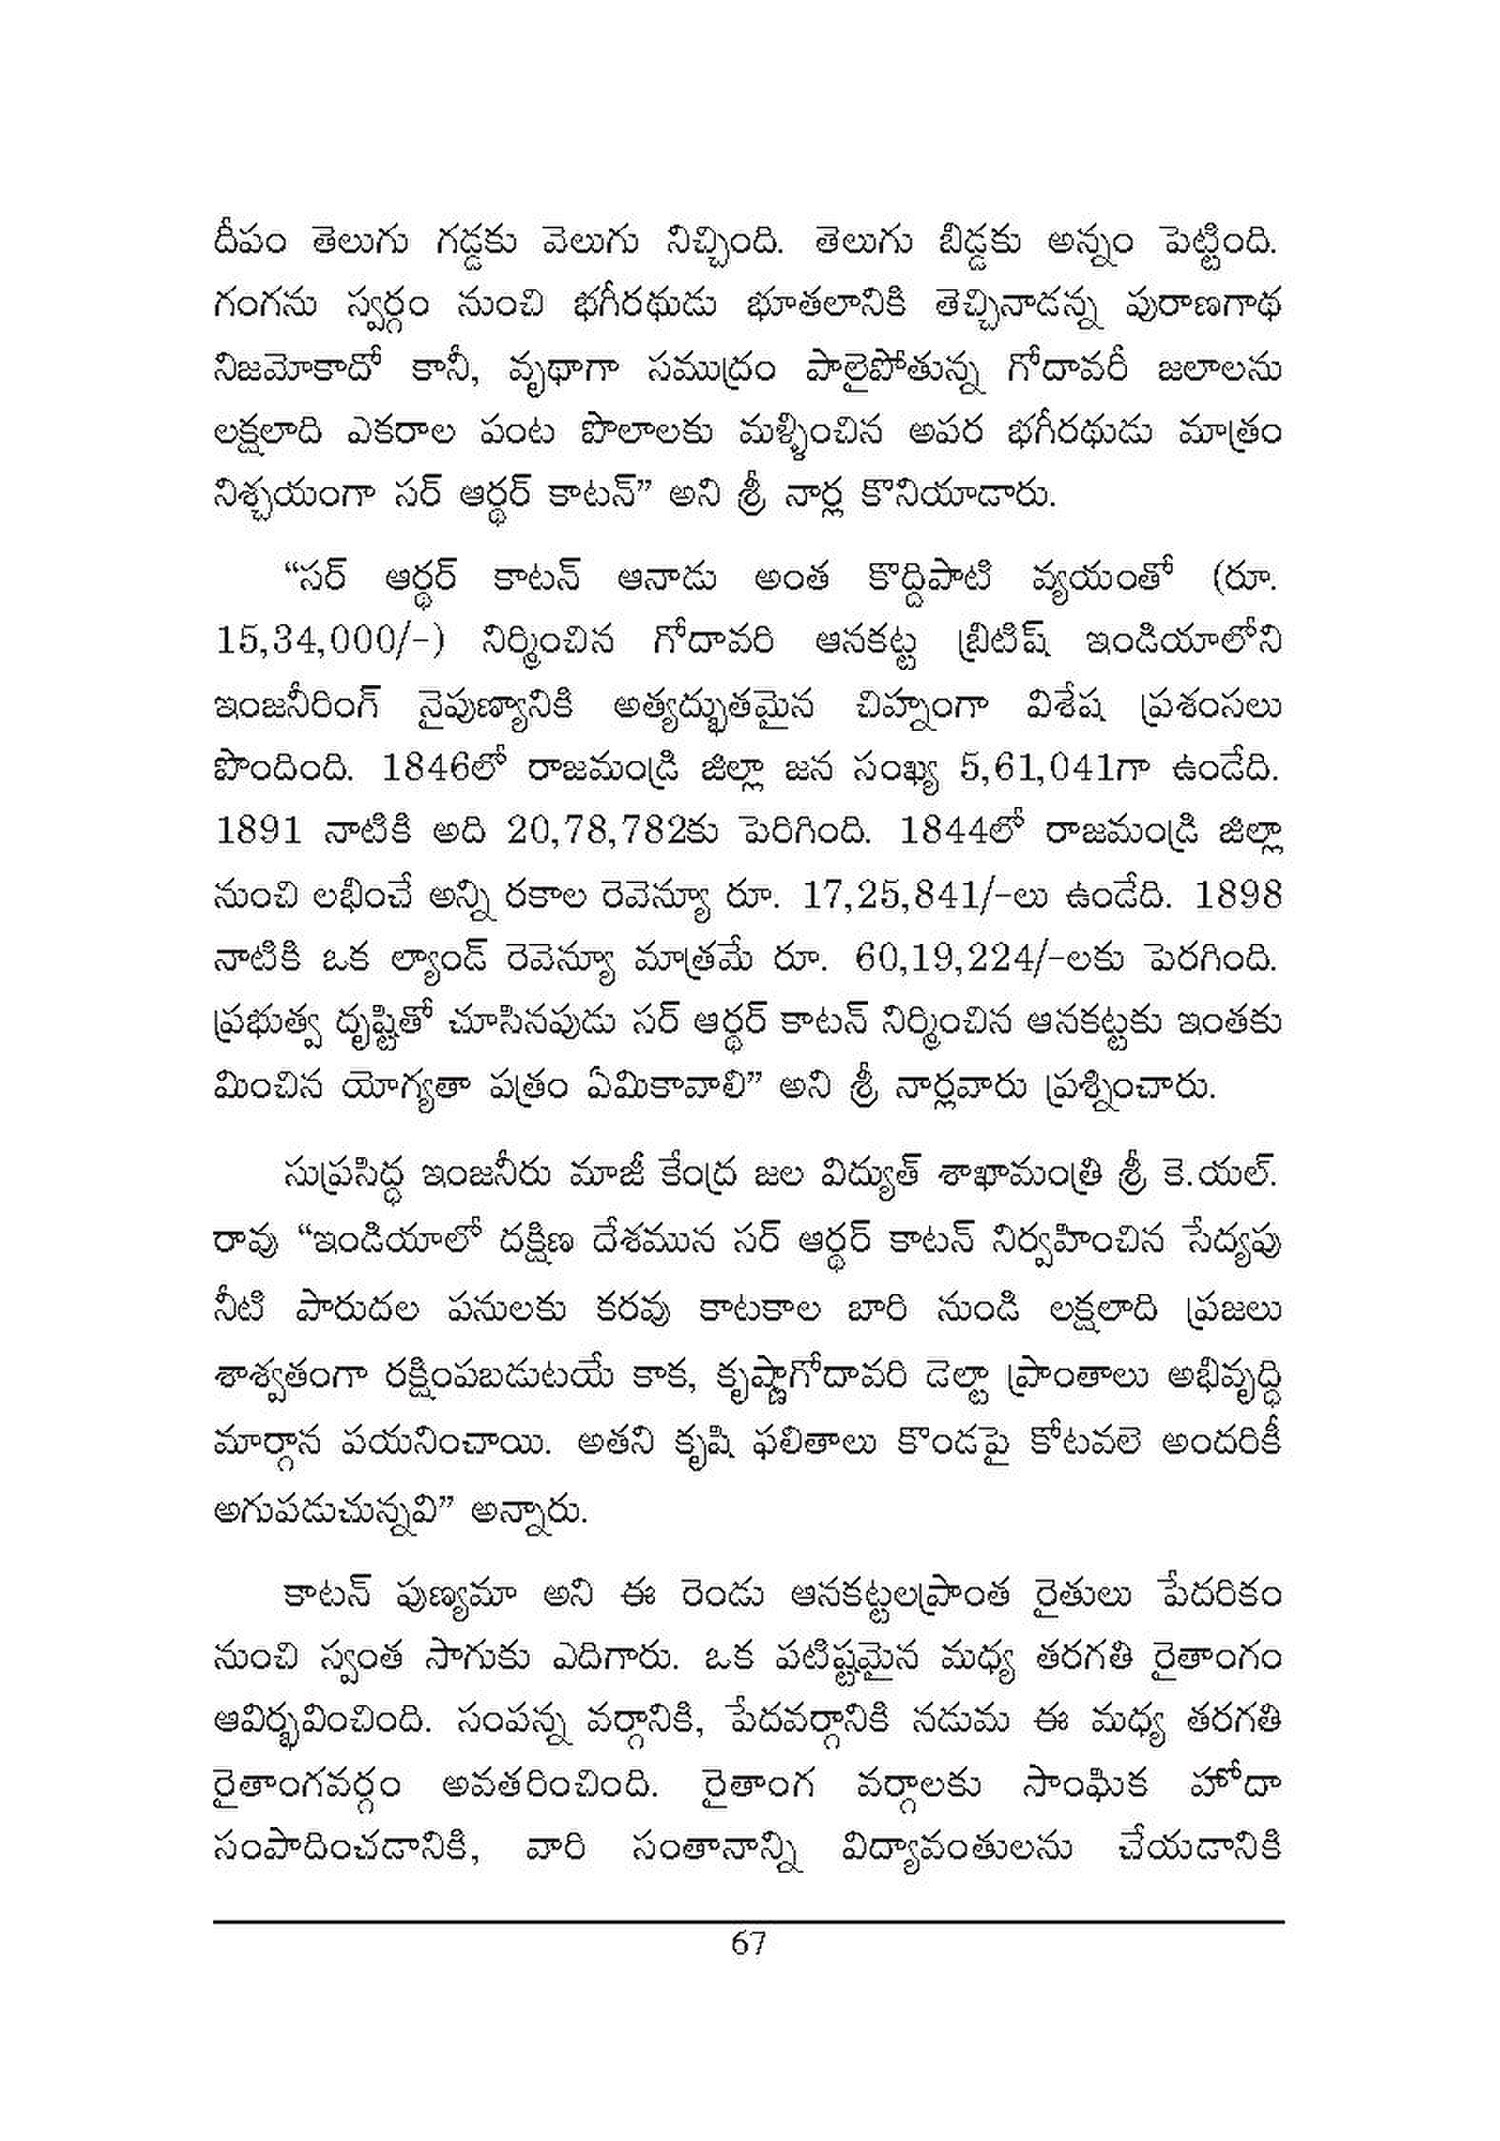దీపం తెలుగు గడ్డకు వెలుగు నిచ్చింది. తెలుగు బిడ్డకు అన్నం పెట్టింది. గంగను స్వర్గం నుంచి భగీరథుడు భూతలానికి తెచ్చినాడన్న పురాణగాథ నిజమో కాదో కానీ, వృథాగా సముద్రం పాలైపోతున్న గోదావరీ జలాలను లక్షలాది ఎకరాల పంట పొలాలకు మళ్ళీంచిన అపర భగీరథుడు మాత్రం నిశ్చయంగా సర్ ఆర్థర్ కాటన్" అని శ్రీ నార్ల కొనియాడారు.

“సర్ ఆర్థర్ కాటన్ ఆనాడు అంత కొద్దిపాటి వ్యయంతో (రూ. 15,34,000/-) నిర్మించిన గోదావరి ఆనకట్ట బ్రిటిష్ ఇండియాలోని ఇంజనీరింగ్ నైపుణ్యానికి అత్యద్భుతమైన చిహ్నంగా విశేష ప్రశంసలు పొందింది. 1846లో రాజమండ్రి జిల్లా జన సంఖ్య 5,61.041గా ఉండేది. 1891 నాటికి అది 20,78,782కు పెరిగింది. 1844లో రాజమండ్రి జిల్లా నుంచి లభించే అన్ని రకాల రెవెన్యూ రూ. 17,25,841/-లు ఉండేది. 1898 నాటికి ఒక ల్యాండ్ రెవెన్యూ మాత్రమే రూ. 60,19,224/-లకు పెరగింది. ప్రభుత్వ దృష్టితో చూసినపుడు సర్ ఆర్థర్ కాటన్ నిర్మించిన ఆనకట్టకు ఇంతకు మించిన యోగ్యతా పత్రం ఏమికావాలి" అని శ్రీ నార్లవారు ప్రశ్నించారు.

సుప్రసిద్ధ ఇంజనీరు మాజీ కేంద్ర జల విద్యుత్ శాఖామంత్రి శ్రీ కె.యల్. రావు "ఇండియాలో దక్షిణ దేశమున సర్ ఆర్థర్ కాటన్ నిర్వహించిన సేద్యపు నీటి పారుదల పనులకు కరవు కాటకాల బారి నుండి లక్షలాది ప్రజలు శాశ్వతంగా రక్షింపబడుటయే కాక, కృష్ణాగోదావరి డెల్లా ప్రాంతాలు అభివృద్ధి మార్గాన పయనించాయి. అతని కృషి ఫలితాలు కొండపై కోటవలె అందరికీ అగుపడుచున్నవి" అన్నారు.

కాటన్ పుణ్యమా అని ఈ రెండు ఆనకట్టలప్రాంత రైతులు పేదరికం నుంచి స్వంత సాగుకు ఎదిగారు. ఒక పటిష్టమైన మధ్య తరగతి రైతాంగం ఆవిర్భవించింది. సంపన్న వర్గానికి, పేదవర్గానికి నడుమ ఈ మధ్య తరగతి రైతాంగవర్గం అవతరించింది. రైతాంగ వర్గాలకు సాంఘిక హోదా సంపాదించడానికి, వారి సంతానాన్ని విద్యావంతులను చేయడానికి